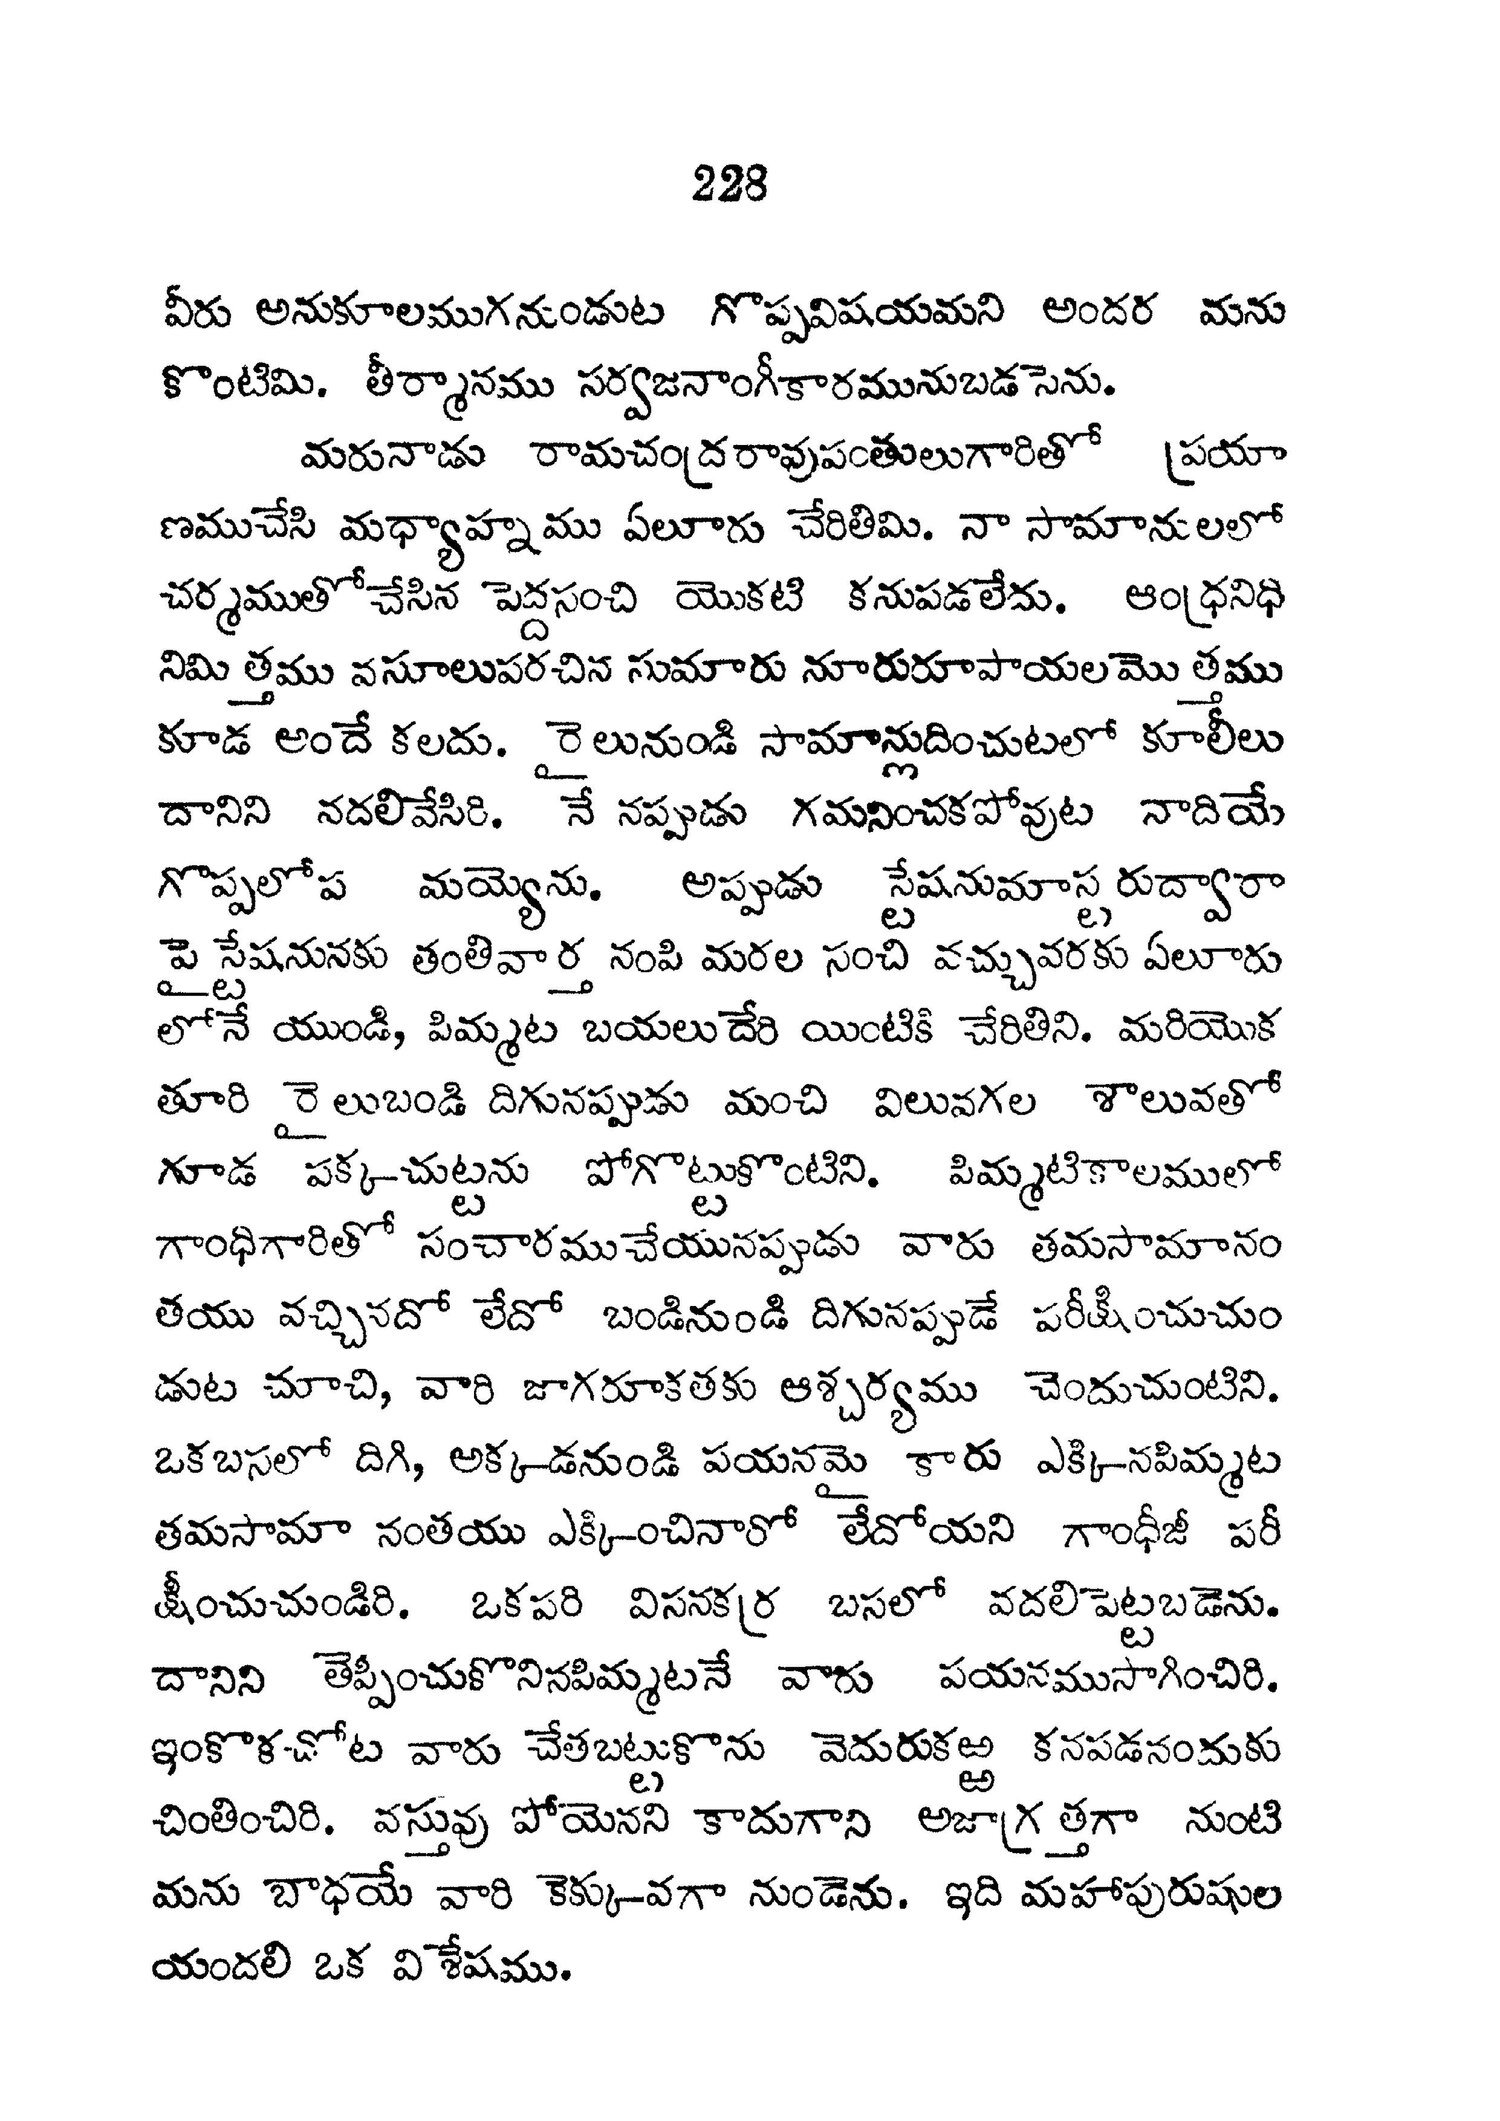వీరు అనుకూలముగనుండుట గొప్పవిషయమని అందర మనుకొంటిమి. తీర్మానము సర్వజనాంగీకారమునుబడసెను.

మరునాడు రామచంద్రరావుపంతులుగారితో ప్రయాణముచేసి మధ్యాహ్నము ఏలూరు చేరితిమి. నా సామానులలో చర్మముతోచేసిన పెద్దసంచి యొకటి కనుపడలేదు. ఆంధ్రనిధి నిమిత్తము వసూలుపరచిన సుమారు నూరురూపాయలమొత్తముకూడా అందేకలదు. రైలునుండి సామాన్లుదించుటలో కూలీలు దానిని వదలివేసిరి. నే నప్పుడు గమనించకపోవుట నాదియే గొప్పలోప మయ్యెను. అప్పుడు స్టేషనుమాస్టరుద్వారా పైస్టేషనునకు తంతివార్త నంపి మరల సంచి వచ్చువరకు ఏలూరులోనే యుండి, పిమ్మట బయలుదేరి యింటికి చేరితిని. మరియొకతూరి రైలుబండి దిగునప్పుడు మంచి విలువగల శాలువతో గూడ పక్కచుట్టను పోగొట్టుకొంటిని. పిమ్మటికాలములో గాంధిగారితో సంచారముచేయునప్పుడు వారు తమసామానంతయు వచ్చినదో లేదో బండినుండి దిగునప్పుడే పరీక్షించుచుండుట చూచి, వారి జాగరూకతకు ఆశ్చర్యము చెందుచుంటిని. ఒకబసలో దిగి, అక్కడనుండి పయనమై కారు ఎక్కినపిమ్మట తమసామా నంతయు ఎక్కించినారో లేదోయని గాంధీజీ పరీక్షించుచుండిరి. ఒకపరి విసనకర్ర బసలో వదలిపెట్టబడెను. దానిని తెప్పించుకొనినపిమ్మటనే వారు పయనముసాగించిరి. ఇంకొకచోట వారు చేతబట్టుకొను వెదురుకఱ్ఱ కనపడనందుకు చింతించిరి. వస్తువు పోయెనని కాదుగాని అజాగ్రత్తగా నుంటిమను బాధయే వారి కెక్కువగా నుండెను. ఇది మహాపురుషుల యందలి ఒక విశేషము.